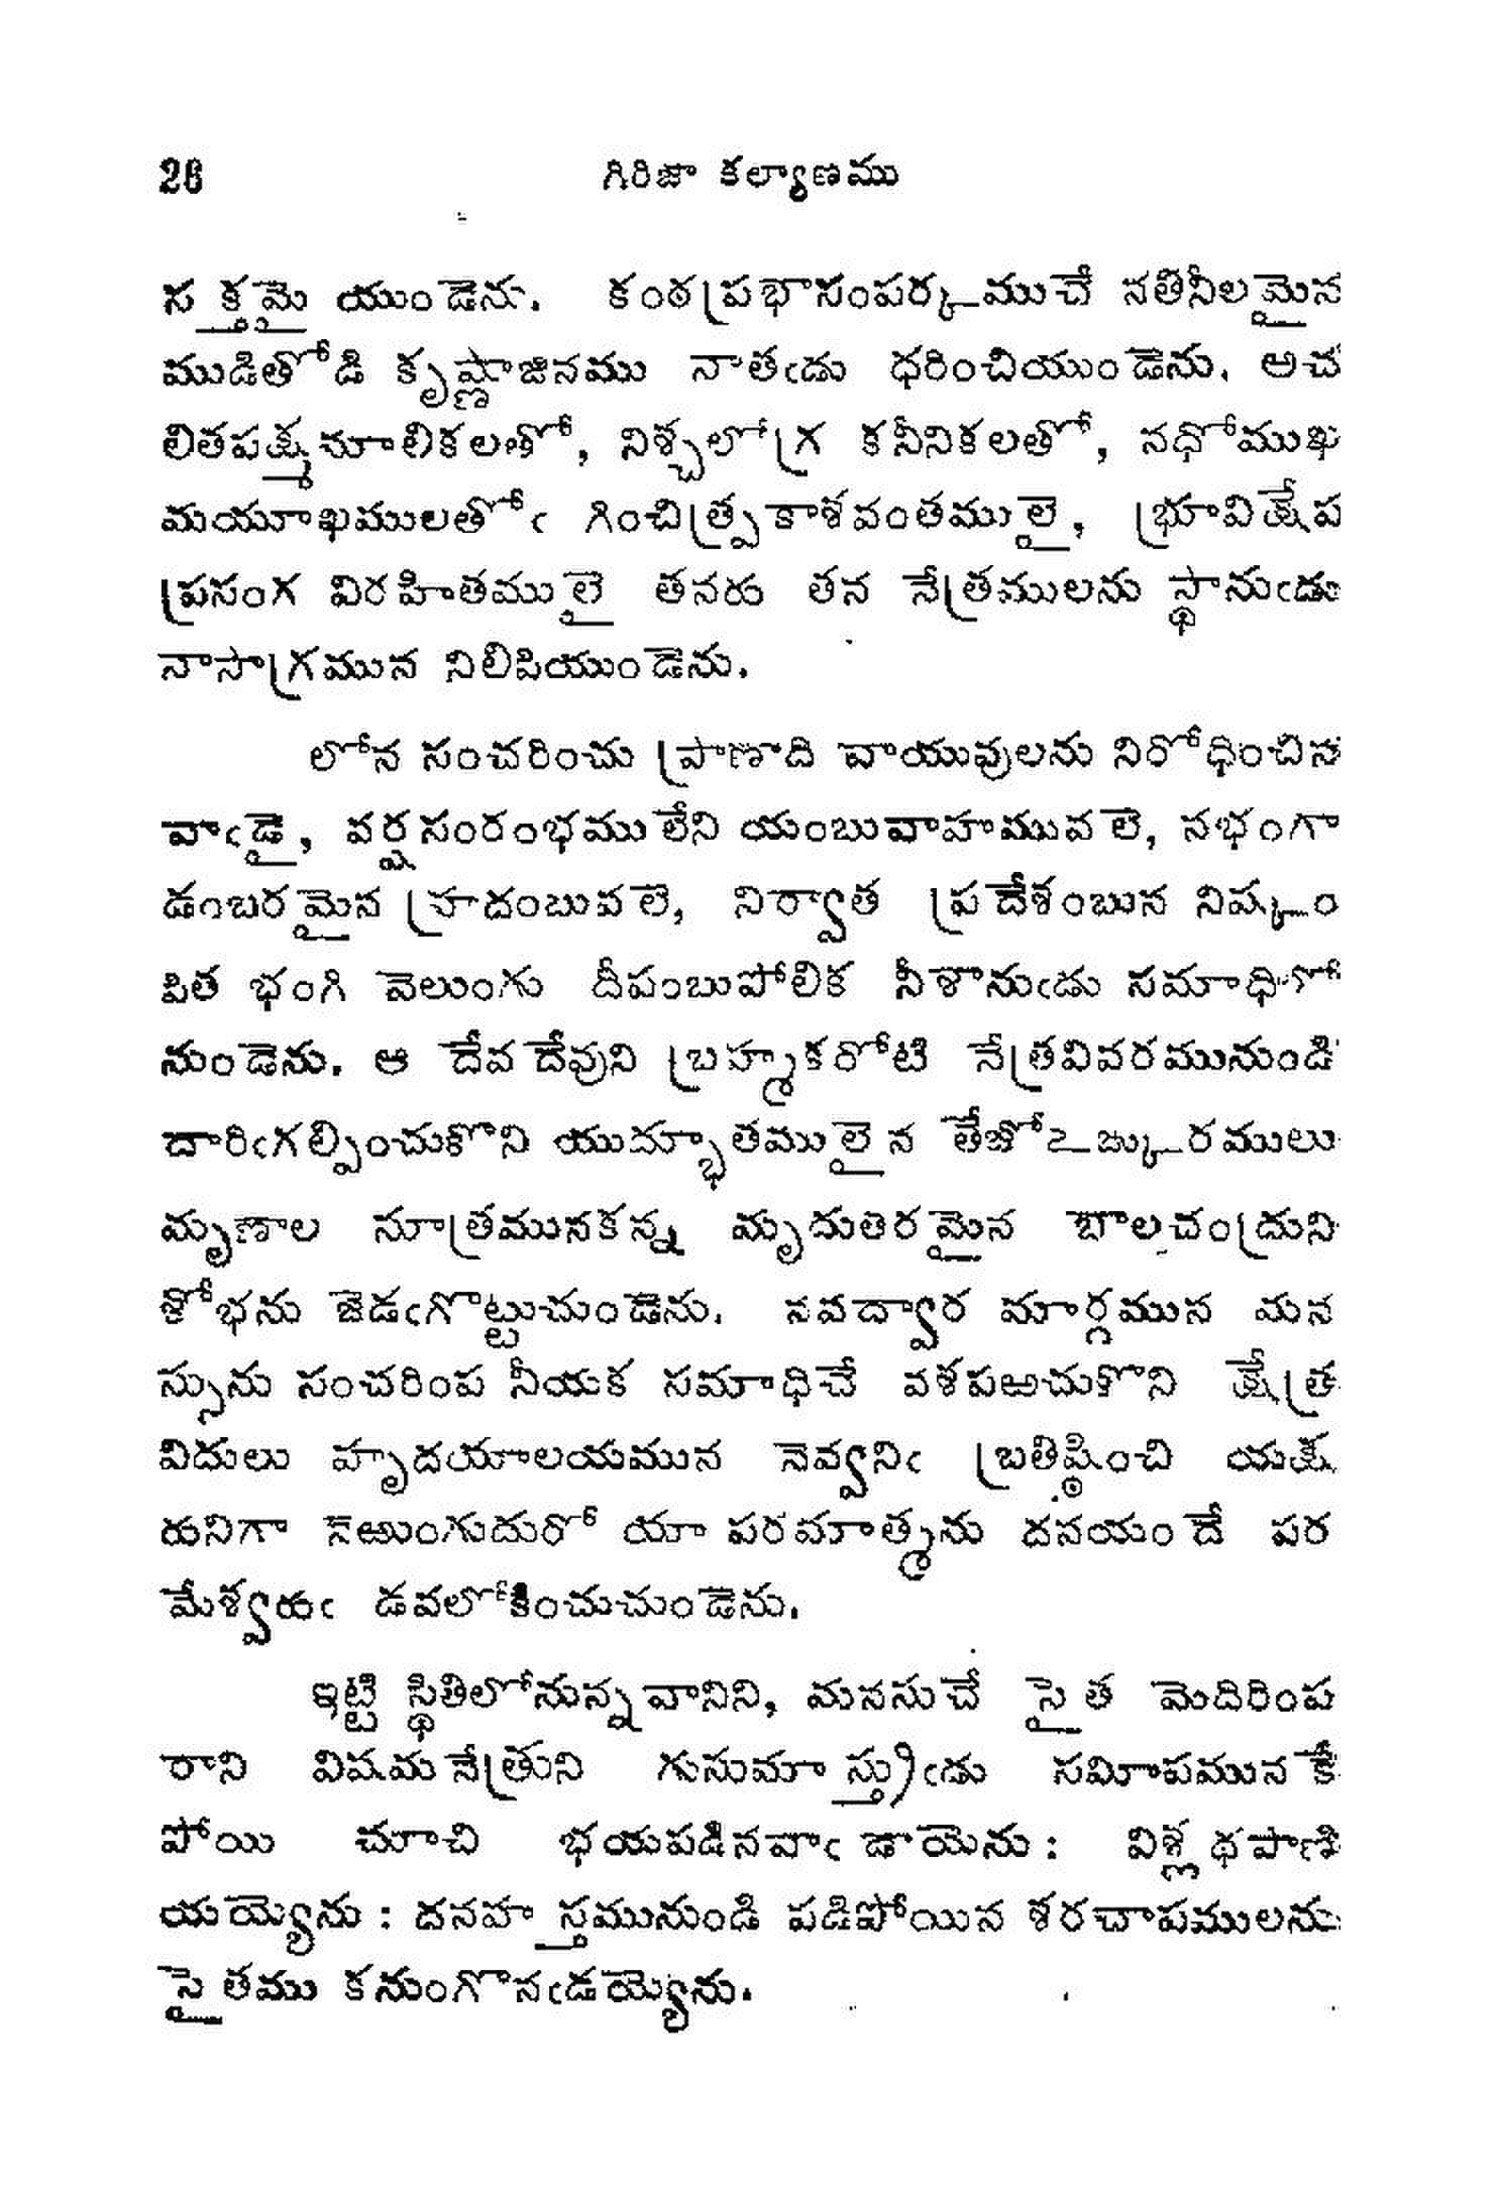సక్తమై యుండెను. కంఠప్రభాసంపర్కముచే నతినీలమైన ముడితోడి కృష్ణాజినము నాతఁడు ధరించియుండెను, అచ
లితపక్ష్మమాలికలతో, నిశ్చలోగ్ర కనీనికలతో, నధోముఖ మయూఖములతోఁ గించిత్ప్రకాశవంతములై, భ్రూవిక్షేప ప్రసంగ విరహితములై తనరు తన నేత్రములను స్థానుఁడు నాసాగ్రమున నిలిపియుండెను.

లోన సంచరించు ప్రాణాది వాయువులను నిరోధించిన వాఁడై, వర్షసంరంభము లేని యంబువాహమువలె, నభంగా
డంబరమైన హ్రదంబు వలె, నిర్వాత ప్రదేశంబున నిష్కంపిత భంగి వెలుంగు దీపంబుపోలిక నీశానుఁడు సమాధిలో
నుండెను, ఆ దేవ దేవుని బ్రహ్మకరోటి నేత్రవివరమునుండి దారిఁగల్పించుకొని యుద్భూతములైన తేజోఽబ్కురములు
మృణాల సూత్రమునకన్న మృదుతరమైన బాలచంద్రుని శోభను జెడఁగొట్టుచుండెను. నవద్వార మార్గమున మనస్సును సంచరింప నీయక సమాధిచే వశపఱచుకొని క్షేత్ర విదులు హృదయాలయమున నెవ్వనిఁ బ్రతిష్ఠించి యక్షరునిగా నెఱుఁగుదురో యా పరమాత్మను దనయందే పరమేశ్వరుఁ డవలోకించుచుండెను.

ఇట్టి స్థితిలోనున్న వానిని, మనసుచే సైత మెదిరింపరాని విషమ నేత్రుని గుసుమాస్త్రుఁడు సమీపమునకే పోయి చూచి భయపడినవాఁ డాయెను : విశ్ల ధపాణి యయ్యెను : దనహస్తమునుండి పడిపోయిన శరచాపములను సైతము కనుంగొనఁడయ్యెను.